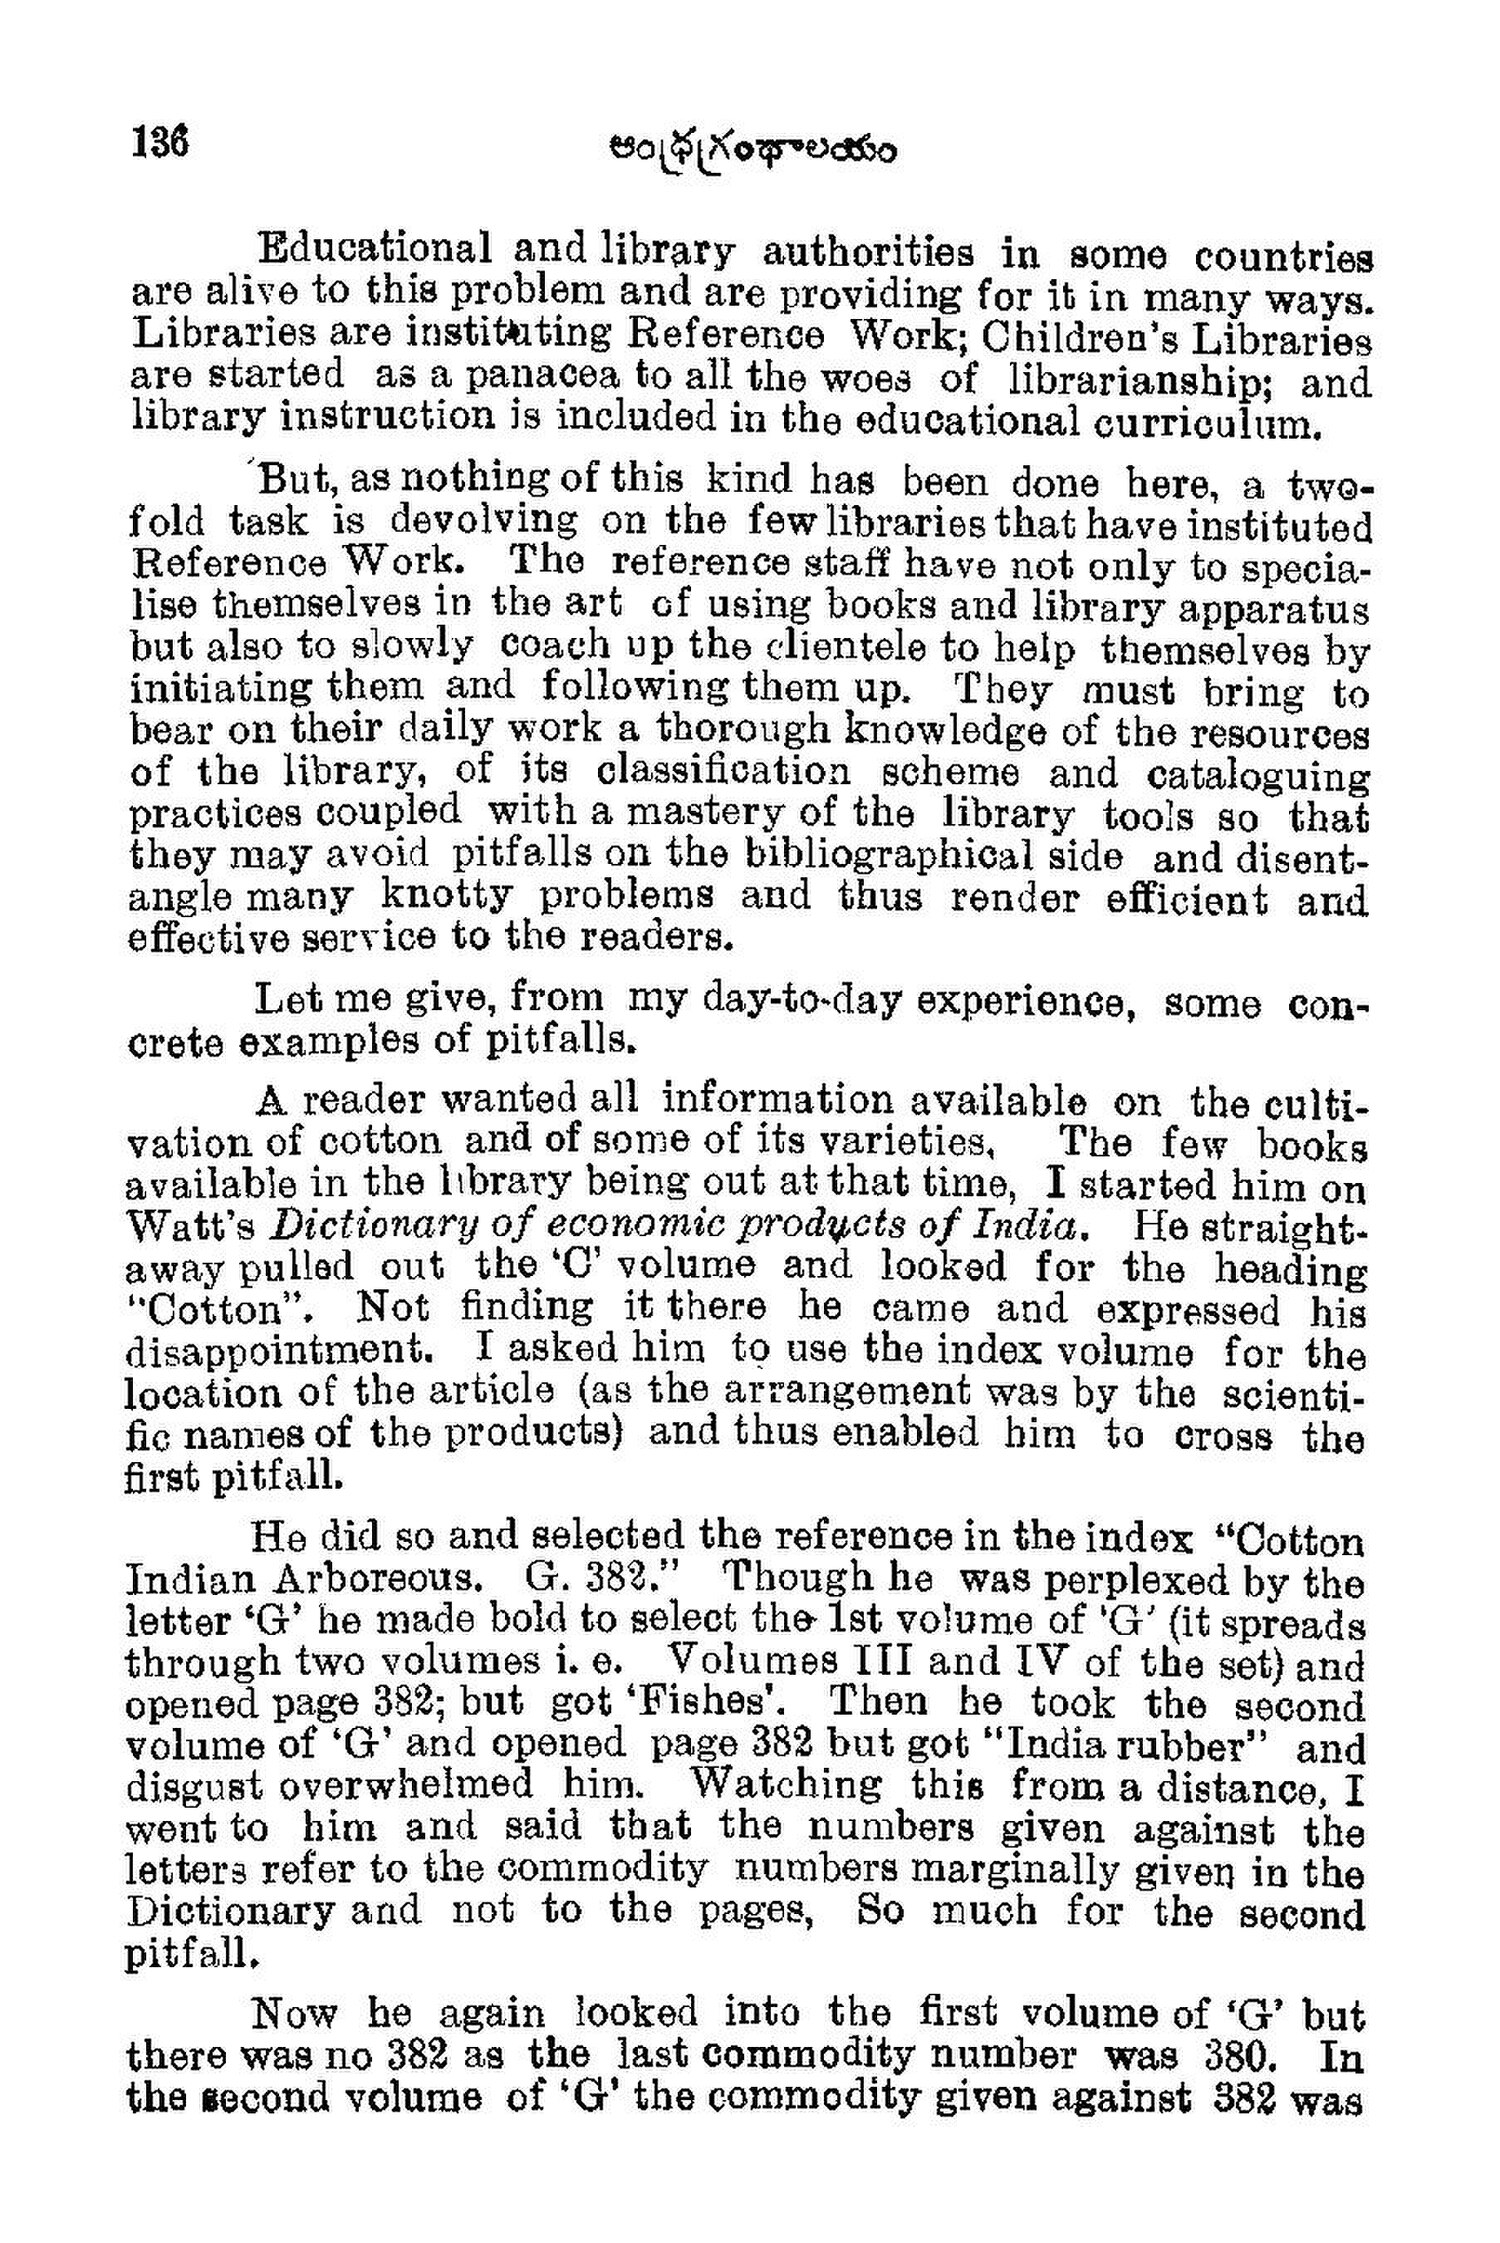Educational and library authorities in some countries are alive to this problem and are providing for it 
in many ways. Libraries are instituting Reference Work; Children's Libraries are started as a panacea to 
all the woes of librarianship; and library instruction is included in the educational curriculum.

But, as nothing of this kind has been done here, a two-fold task is devolving on the few libraries that 
have instituted Reference Work. The reference staff have not only to specialize themselves in the art of 
using books and library apparatus but also to slowly coach up the clientele to help themselves by
initiating them and following them up. They must bring to bear on their daily work a thorough knowledge 
of the resources of the library, of its classification scheme and cataloguing practices coupled with a 
mastery of the library tools so that they may avoid pitfalls on the bibliographical side and disentangle 
many knotty problems and thus render efficient and effective service to the readers.

Let me give, from my day-to-day experience, some concrete examples of pitfalls.

A reader wanted all information available on the cultivation of cotton and of some of its varieties. 
The few books available in the library being out at that time, I started him on Watt's Dictionary 
of economic products of India. He straight-away pulled out the 'C' volume and looked for the heading
"Cotton". Not finding it there he came and expressed his disappointment. I asked him to use the index 
volume for the location of the article (as the arrangement was by the scientific names of the products) 
and thus enabled him to cross the first pitfall.

He did so and selected the reference in the index "Cotton Indian Arboreous. G. 382." Though he was 
perplexed by the letter 'G' he made bold to select the 1st volume of 'G' (it spreads through two 
volumes i. e. Volumes III and IV of the set) and opened page 382; but got 'Fishes'. Then he took 
the second volume of 'G' and opened page 382 but got "India rubber" and disgust overwhelmed him. 
Watching this from a distance, I went to him and said that the numbers given against the letters 
refer to the commodity numbers marginally given in the Dictionary and not to the pages, So much 
for the second pitfall.

Now he again looked into the first volume of 'G' but there was no 382 as the last commodity number 
was 380. In the second volume of 'G' the commodity given against 382 was